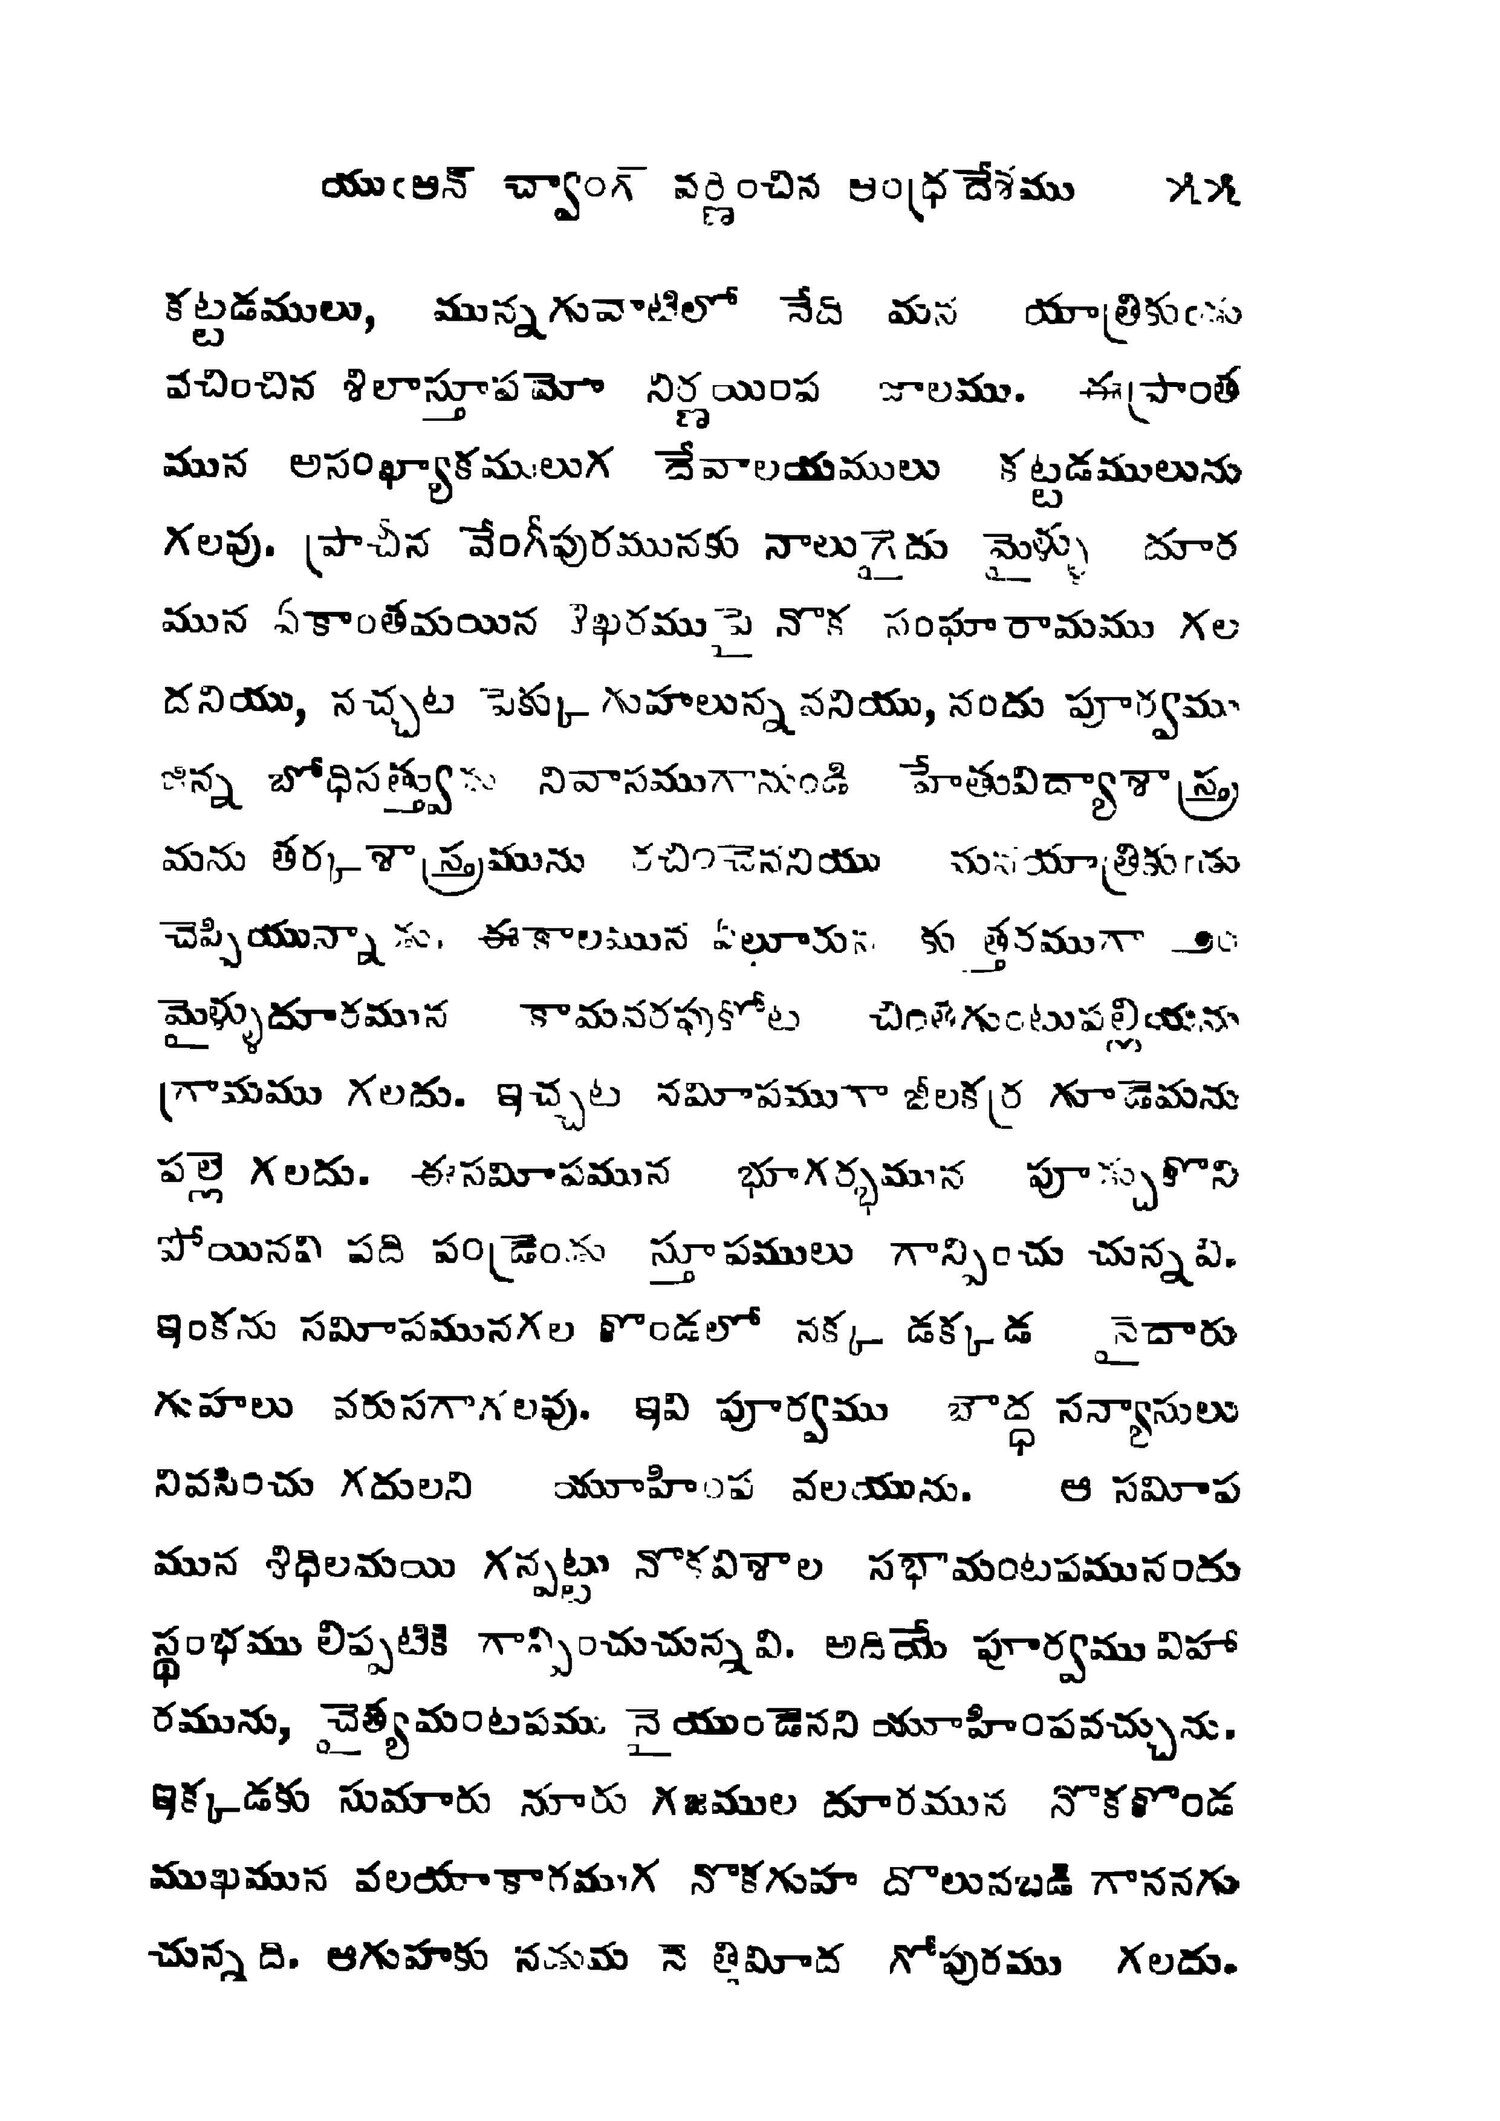కట్టడములు, మున్నగువాటిలో నేది మన యాత్రికుడు వచించిన శిలాస్తూపమో నిర్ణయింప జాలము. ఈప్రాంతమున అసంఖ్యాకములుగ దేవాలయములు కట్టడములును గలవు. ప్రాచీన వేంగీపురమునకు నాలుగైదు మైళ్ళు దూరమున ఏకాంతమయిన శిఖరముపై నొక సంఘారామము గలదనియు, నచ్చట పెక్కు గుహలున్నవనియు, నందు పూర్వము జిన్న బోధిసత్త్వుడు నివాసముగానుండి హేతువిద్యాశాస్త్రమను తర్కశాస్త్రమును రచించెననియు మనయాత్రికుడు చెప్పియున్నాడు. ఈకాలమున ఏలూరున కుత్తరముగా 20 మైళ్ళుదూరమున కామవరపుకోట చింతగుంటుపల్లియను గ్రామము గలదు. ఇచ్చట సమీపముగా జీలకర్ర గూడెమను పల్లె గలదు. ఈసమీపమున భూగర్భమున పూడ్చుకొని పోయినవి పది పండ్రెండు స్తూపములు గాన్పించు చున్నవి. ఇంకను సమీపమునగల కొండలో నక్క డక్కడ నైదారు గుహలు వరుసగాగలవు. ఇవి పూర్వము బౌద్ధ సన్యాసులు నివసించు గదులని యూహింప వలయును. ఆ సమీపమున శిధిలమయి గన్పట్టు నొకవిశాల సభామంటపమునందు స్థంభము లిప్పటికి గాన్పించుచున్నవి. అదియే పూర్వము విహారమును, చైత్యమంటపము నై యుండెనని యూహింపవచ్చును. ఇక్కడకు సుమారు నూరు గజముల దూరమున నొకకొండ ముఖమున వలయాకారముగ నొకగుహ దొలువబడి గాననగు చున్నది. ఆగుహకు నడుమ నెత్తిమీద గోపురము గలదు.